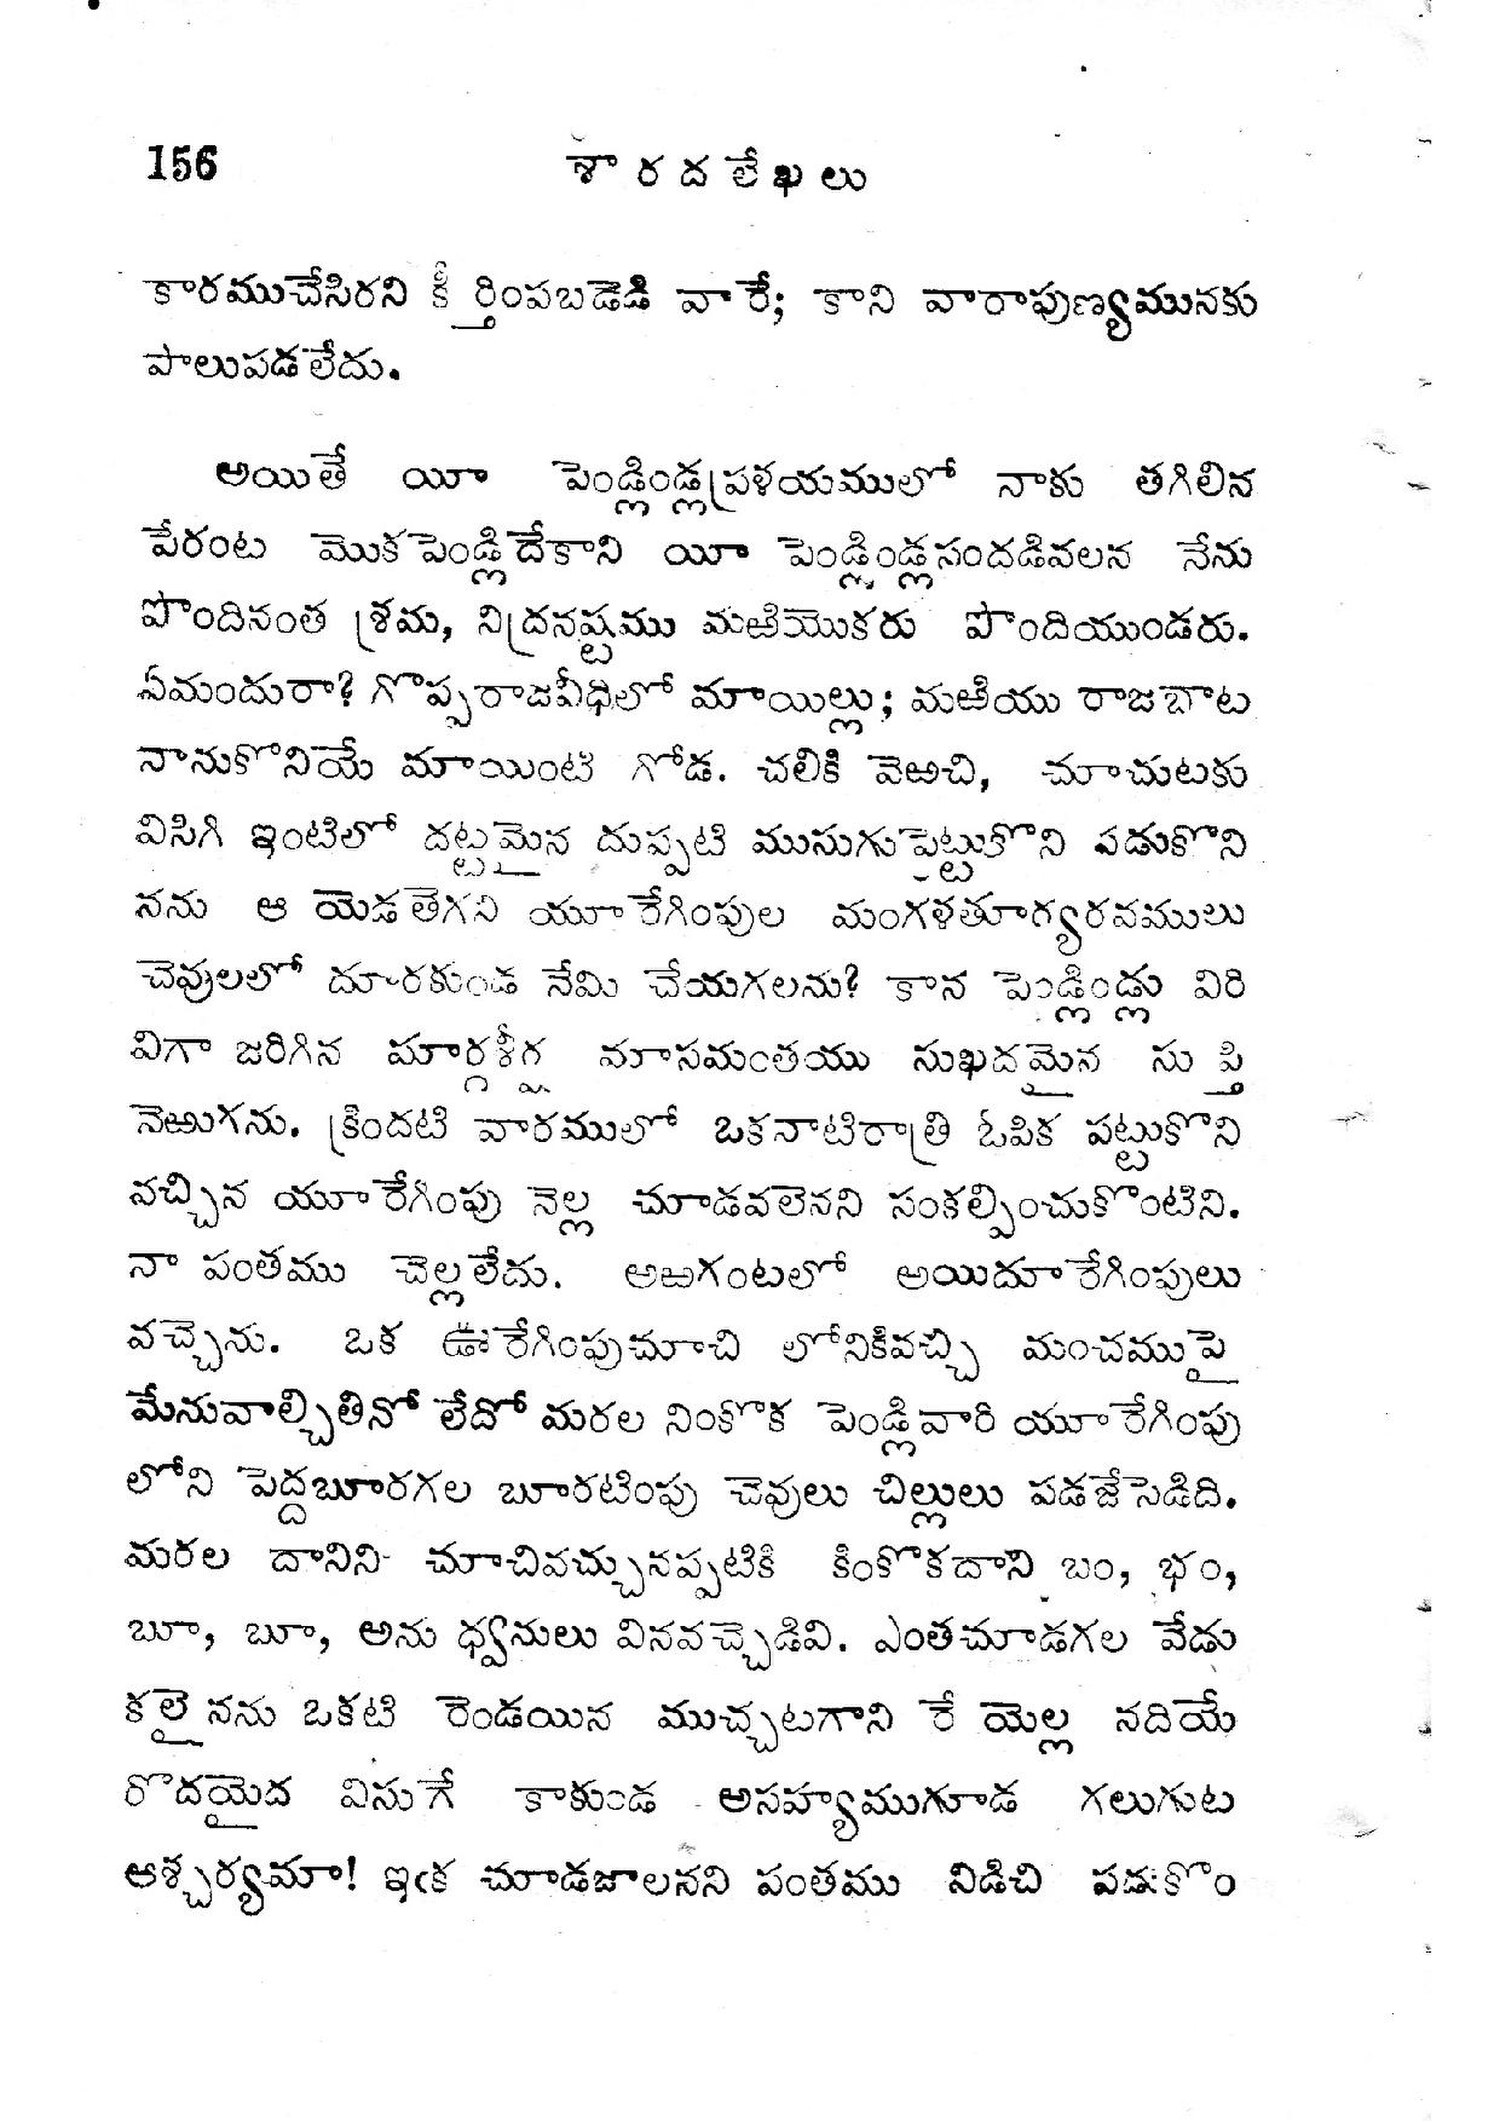కారముచేసిరని కీర్తింపబడెడి వారే; కాని వారాపుణ్యమునకు పాలుపడలేదు.

అయితే యీ పెండ్లిండ్లప్రళయములో నాకు తగిలిన పేరంట మొకపెండ్లిదేకాని యీ పెండ్లిండ్లసందడివలన నేను పొందినంత శ్రమ, నిద్రనష్టము మఱియొకరు పొందియుండరు. ఏమందురా? గొప్పరాజవీధిలో మాయిల్లు; మఱియు రాజుబాటనానుకొనియే మాయింటి గోడ. చలికి వెఱచి, చూచుటకు విసిగి ఇంటిలో దట్టమైన దుప్పటి ముసుగుపెట్టుకొని పడుకొనినను ఆ యెడతెగని యూరేగింపుల మంగళతూర్యరవములు
చెవులలో దూరకుండ నేమి చేయగలను? కాన పెండ్లిండ్లు విరివిగా జరిగిన మార్గశీర్ష మాసమంతయు సుఖదమైన సుప్తి నెఱుగను. క్రిందటి వారములో ఒకనాటిరాత్రి ఓపిక పట్టుకొని వచ్చిన యూరేగింపు నెల్ల చూడవలెనని సంకల్పించుకొంటిని. నా పంతము చెల్లలేదు. అఱగంటలో అయిదూరేగింపులు వచ్చెను. ఒక ఊరేగింపుచూచి లోనికివచ్చి మంచముపై మేనువాల్చితినో లేదో మరల నింకొక పెండ్లివారి యూరేగింపులోని పెద్దబూరగల బూరటింపు చెవులు చిల్లులు పడజేసెడిది. మరల దానిని చూచివచ్చునప్పటికి కింకొకదాని బం, భం, బూ, బూ, అను ధ్వనులు వినవచ్చెడివి. ఎంతచూడగల వేడుకలైనను ఒకటి రెండయిన ముచ్చటగాని రే యెల్ల నదియే రొదయైద విసుగే కాకుండ అసహ్యముగూడ గలుగుట ఆశ్చర్యమా! ఇఁక చూడజాలనని పంతము నిడిచి పడుకొం